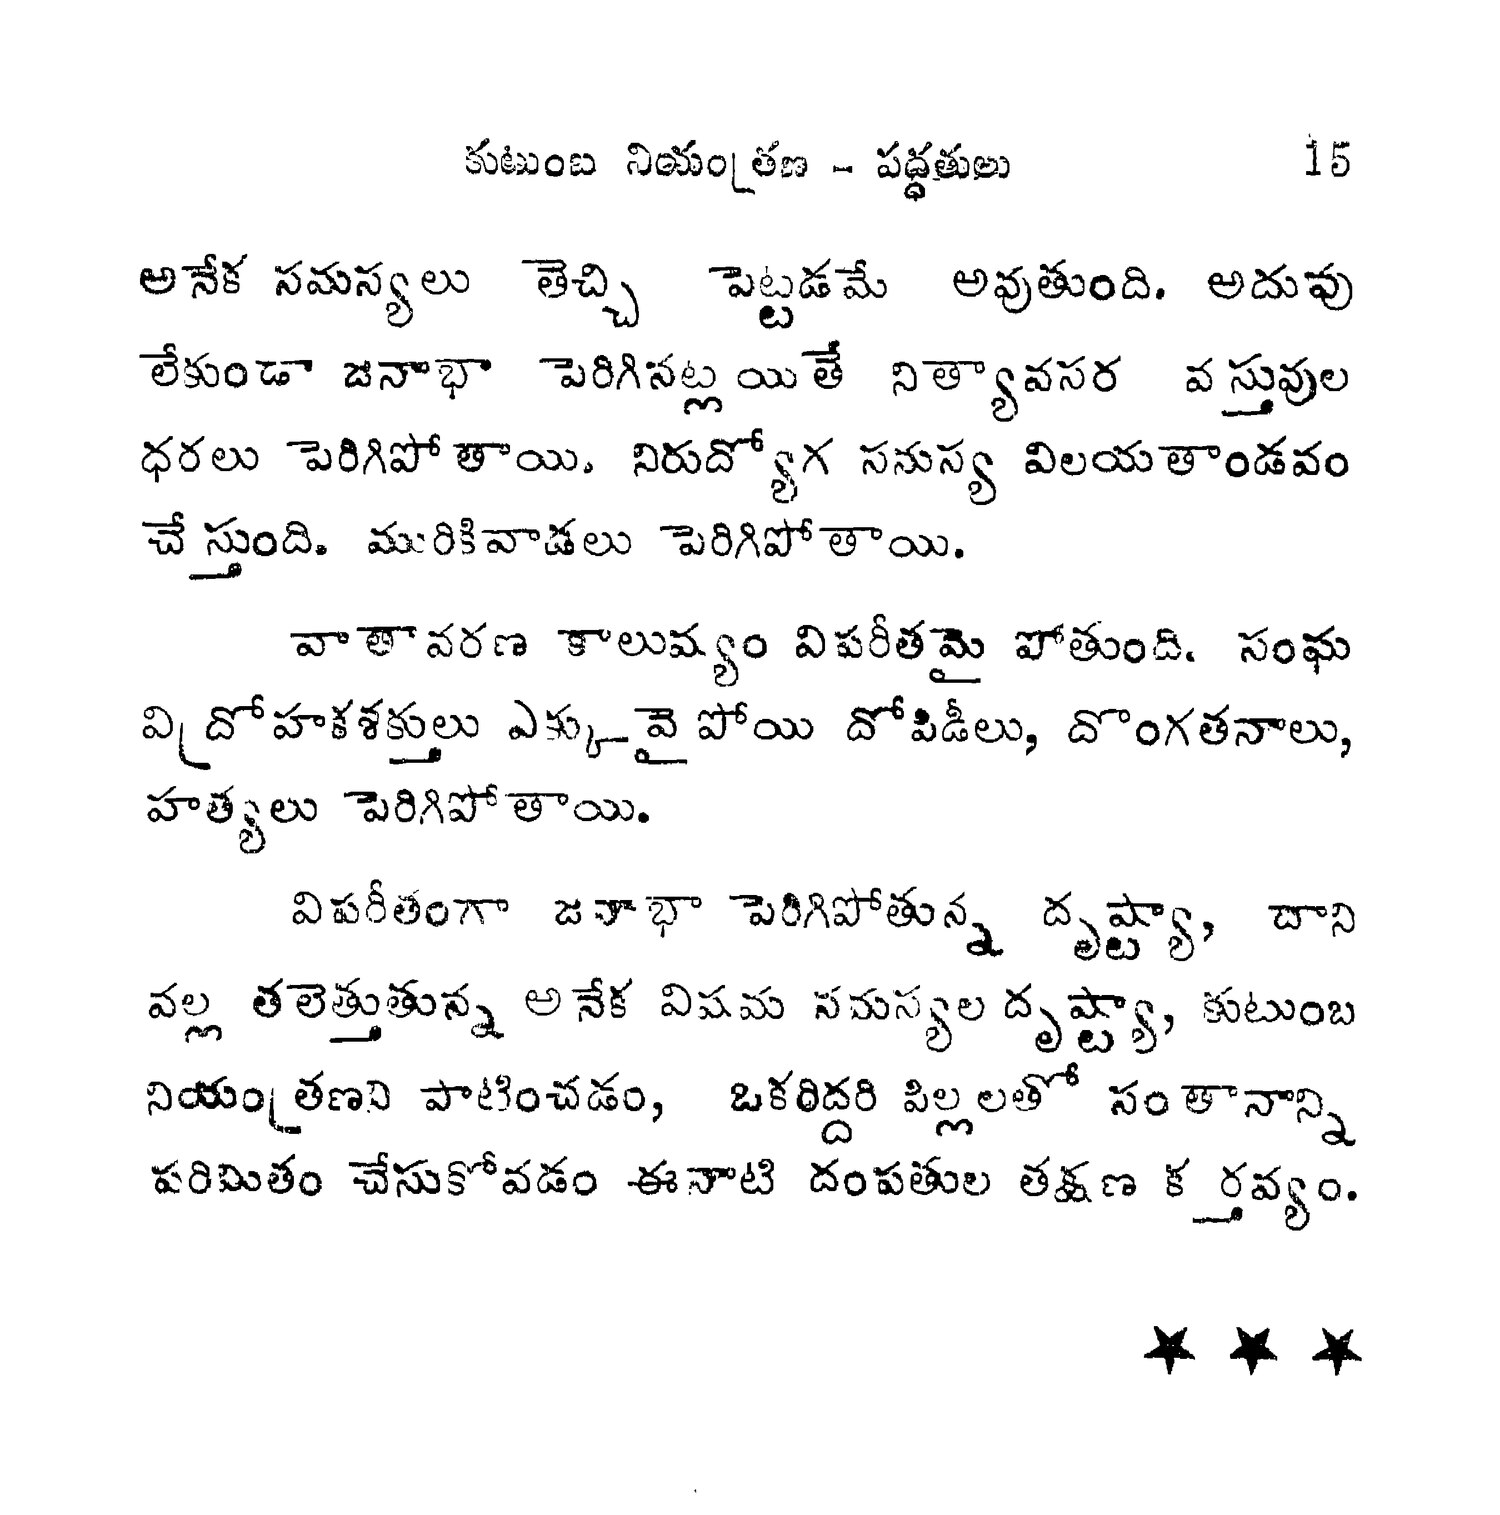అనేక సమస్యలు తెచ్చి పెట్టడమే అవుతుంది. అదుపు లేకుండా జనాభా పెరిగినట్లయితే నిత్యావసర వస్తువుల ధరలు పెరిగిపోతాయి. నిరుద్యోగ సమస్య విలయతాండవం చేస్తుంది. మురికివాడలు పెరిగిపోతాయి.

వాతావరణ కాలుష్యం విపరీతమై పోతుంది. సంఘవిద్రోహశక్తులు ఎక్కువైపోయి దోపిడీలు, దొంగతనాలు, హత్యలు పెరిగిపోతాయి.

విపరీతంగా జనాభా పెరిగిపోతున్న దృష్ట్యా, దాని వల్ల తలెత్తుతున్న అనేక విషమ సమస్యల దృష్ట్యా, కుటుంబ నియంత్రణని పాటించడం, ఒకరిద్దరి పిల్లలతో సంతానాన్ని పరిమితం చేసుకోవడం ఈనాటి దంపతుల తక్షణ కర్తవ్యం.

* * *